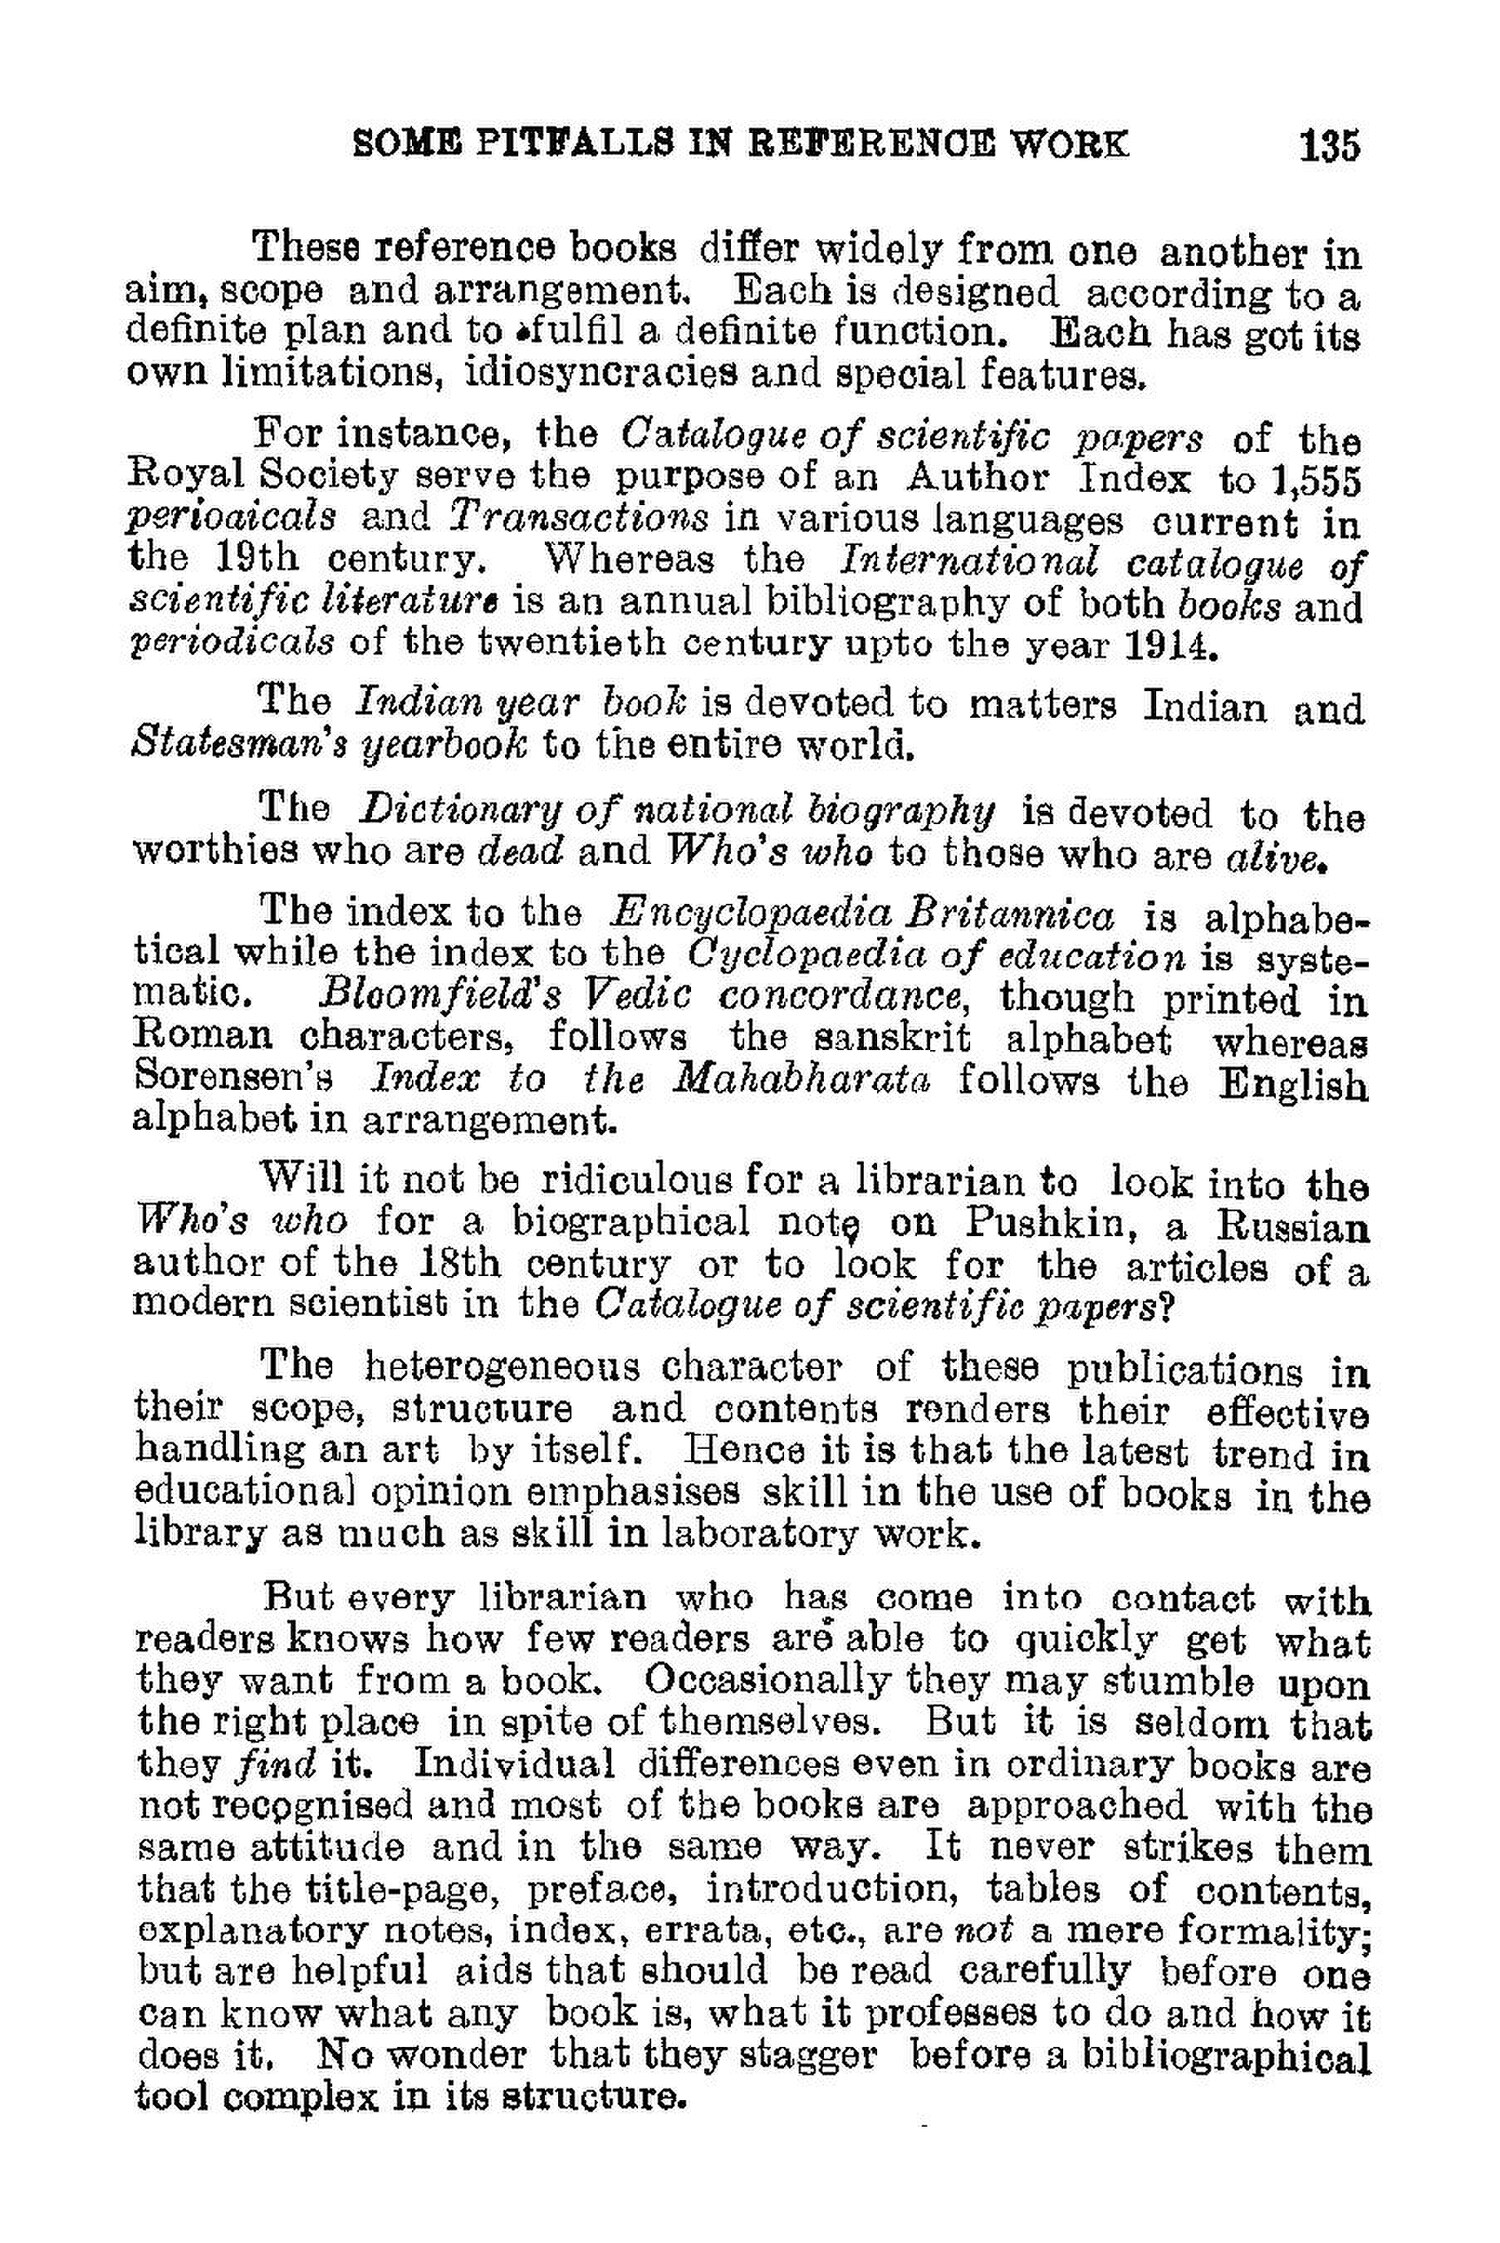These reference books differ widely from one another in aim, scope and arrangement. Each is designed 
according to a definite plan and to fulfil a definite function. Each has got its own limitations, 
idiosyncrasies and special features.

For instance, the Catalogue of scientific papers of the Royal Society serve the purpose of an Author 
Index to 1,555 periodicals and Transactions in various languages current in the 19th century. Whereas the International catalogue of scientific literature is an annual bibliography of both books and periodicals 
of the twentieth century up to the year 1914.

The Indian year book is devoted to matters Indian and Statesman's yearbook to the entire world.

The Dictionary of national biography is devoted to the worthies who are dead and Who's who to those who 
are alive.

The index to the Encyclopedia Britannica is alphabetical while the index to the Cyclopedia of education 
is systematic. Bloomfield's Vedic concordance, though printed in Roman characters, follows the Sanskrit
alphabet whereas Sorensen's Index to the Mahabharata follows the English alphabet in arrangement.

Will it not be ridiculous for a librarian to look into the Who's who for a biographical note on Pushkin, 
a Russian author of the 18th century or to look for the articles of a modern scientist in the Catalogue of scientific papers?

The heterogeneous character of these publications in their scope, structure and contents renders their 
effective handling an art by itself. Hence it is that the latest trend in educational opinion emphasizes
skill in the use of books in the library as much as skill in laboratory work.

But every librarian who has come into contact with readers knows how few readers are able to quickly 
get what they want from a book. Occasionally they may stumble upon the right place in spite of themselves. 
But it is seldom that they find it. Individual differences even in ordinary books are not recognized and 
most of the books are approached with the same attitude and in the same way. It never strikes them
that the title-page, preface, introduction, tables of contents, explanatory notes, index, errata, etc., 
are not a mere formality; but are helpful aids that should be read carefully before one can know what 
any book is, what it professes to do and how it does it. No wonder that they stagger before a 
bibliographical tool complex in its structure.